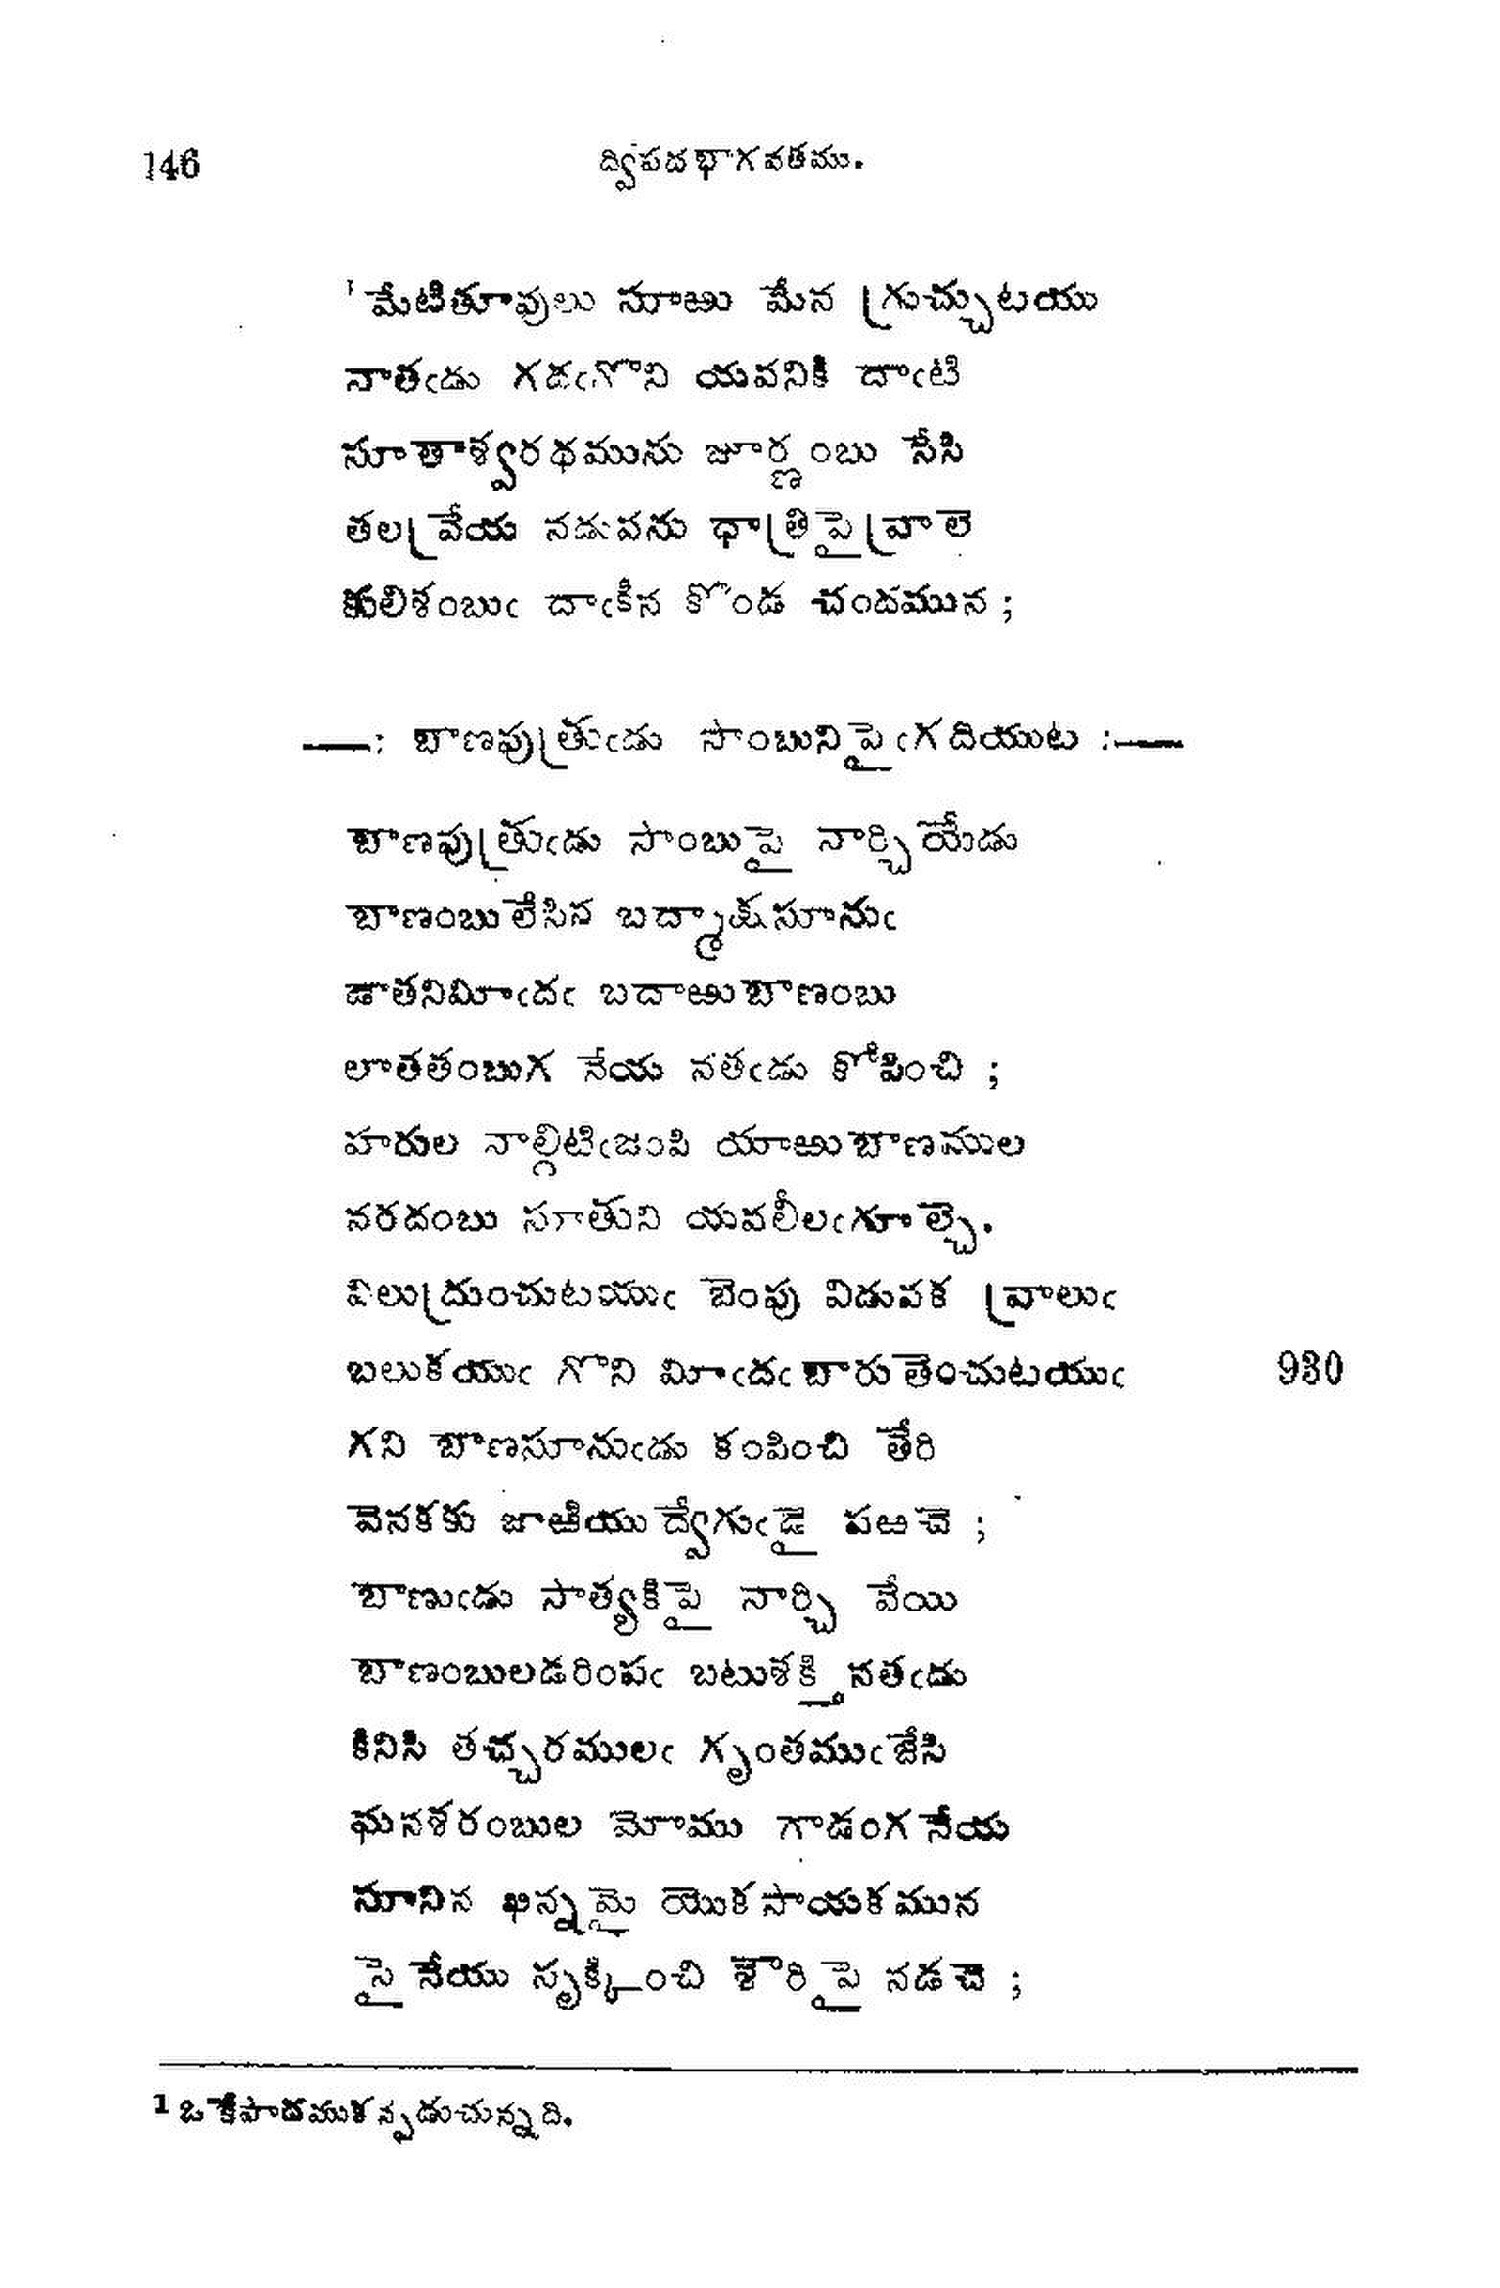మేటితూపులు నూఱు మేన గ్రుచ్చుటయు
నాతఁడు గదఁగొని యవనికి దాఁటి
సూతాశ్వరథమును జూర్ణంబు సేసి
తలవేయ నడువను ధాత్రిపైవ్రాలె
కులిశంబుఁ దాఁకిన కొండ చందమున;
 

బాణపుత్రుఁడు సాంబుపై నార్చియేడు
బాణంబులేసిన బద్మాక్షసూనుఁ
డాతనిమీఁదఁ బదాఱుబాణంబు
లాతతంబుగ నేయ నతఁడు కోపించి; 
హరుల నాల్గిటిఁజంపి యాఱుబాణముల
నరదంబు సూతుని యవలీలఁగూల్చె. 
విలుదుంచుటయుఁ బెంపు విడువక వ్రాలుఁ
బలుకయుఁ గొని మీఁదఁబారుతెంచుటయుఁ
గని బాణసూనుఁడు కంపించి తేరి
వెనకకు జాఱి యుద్వేగుఁడై పఱచె; 
బాణుఁడు సాత్యకిపై నార్చి వేయి
బాణంబు లడరింపఁ బటుశక్తి నతఁడు
కినిసి తచ్చరములఁ గృంతముఁజేసి
ఘనశరంబుల మోము గాడంగనేయ
సూనిన ఖిన్నమై యొకసాయకమున 
సైనేయు సృక్కించి శౌరిపై నడచె;